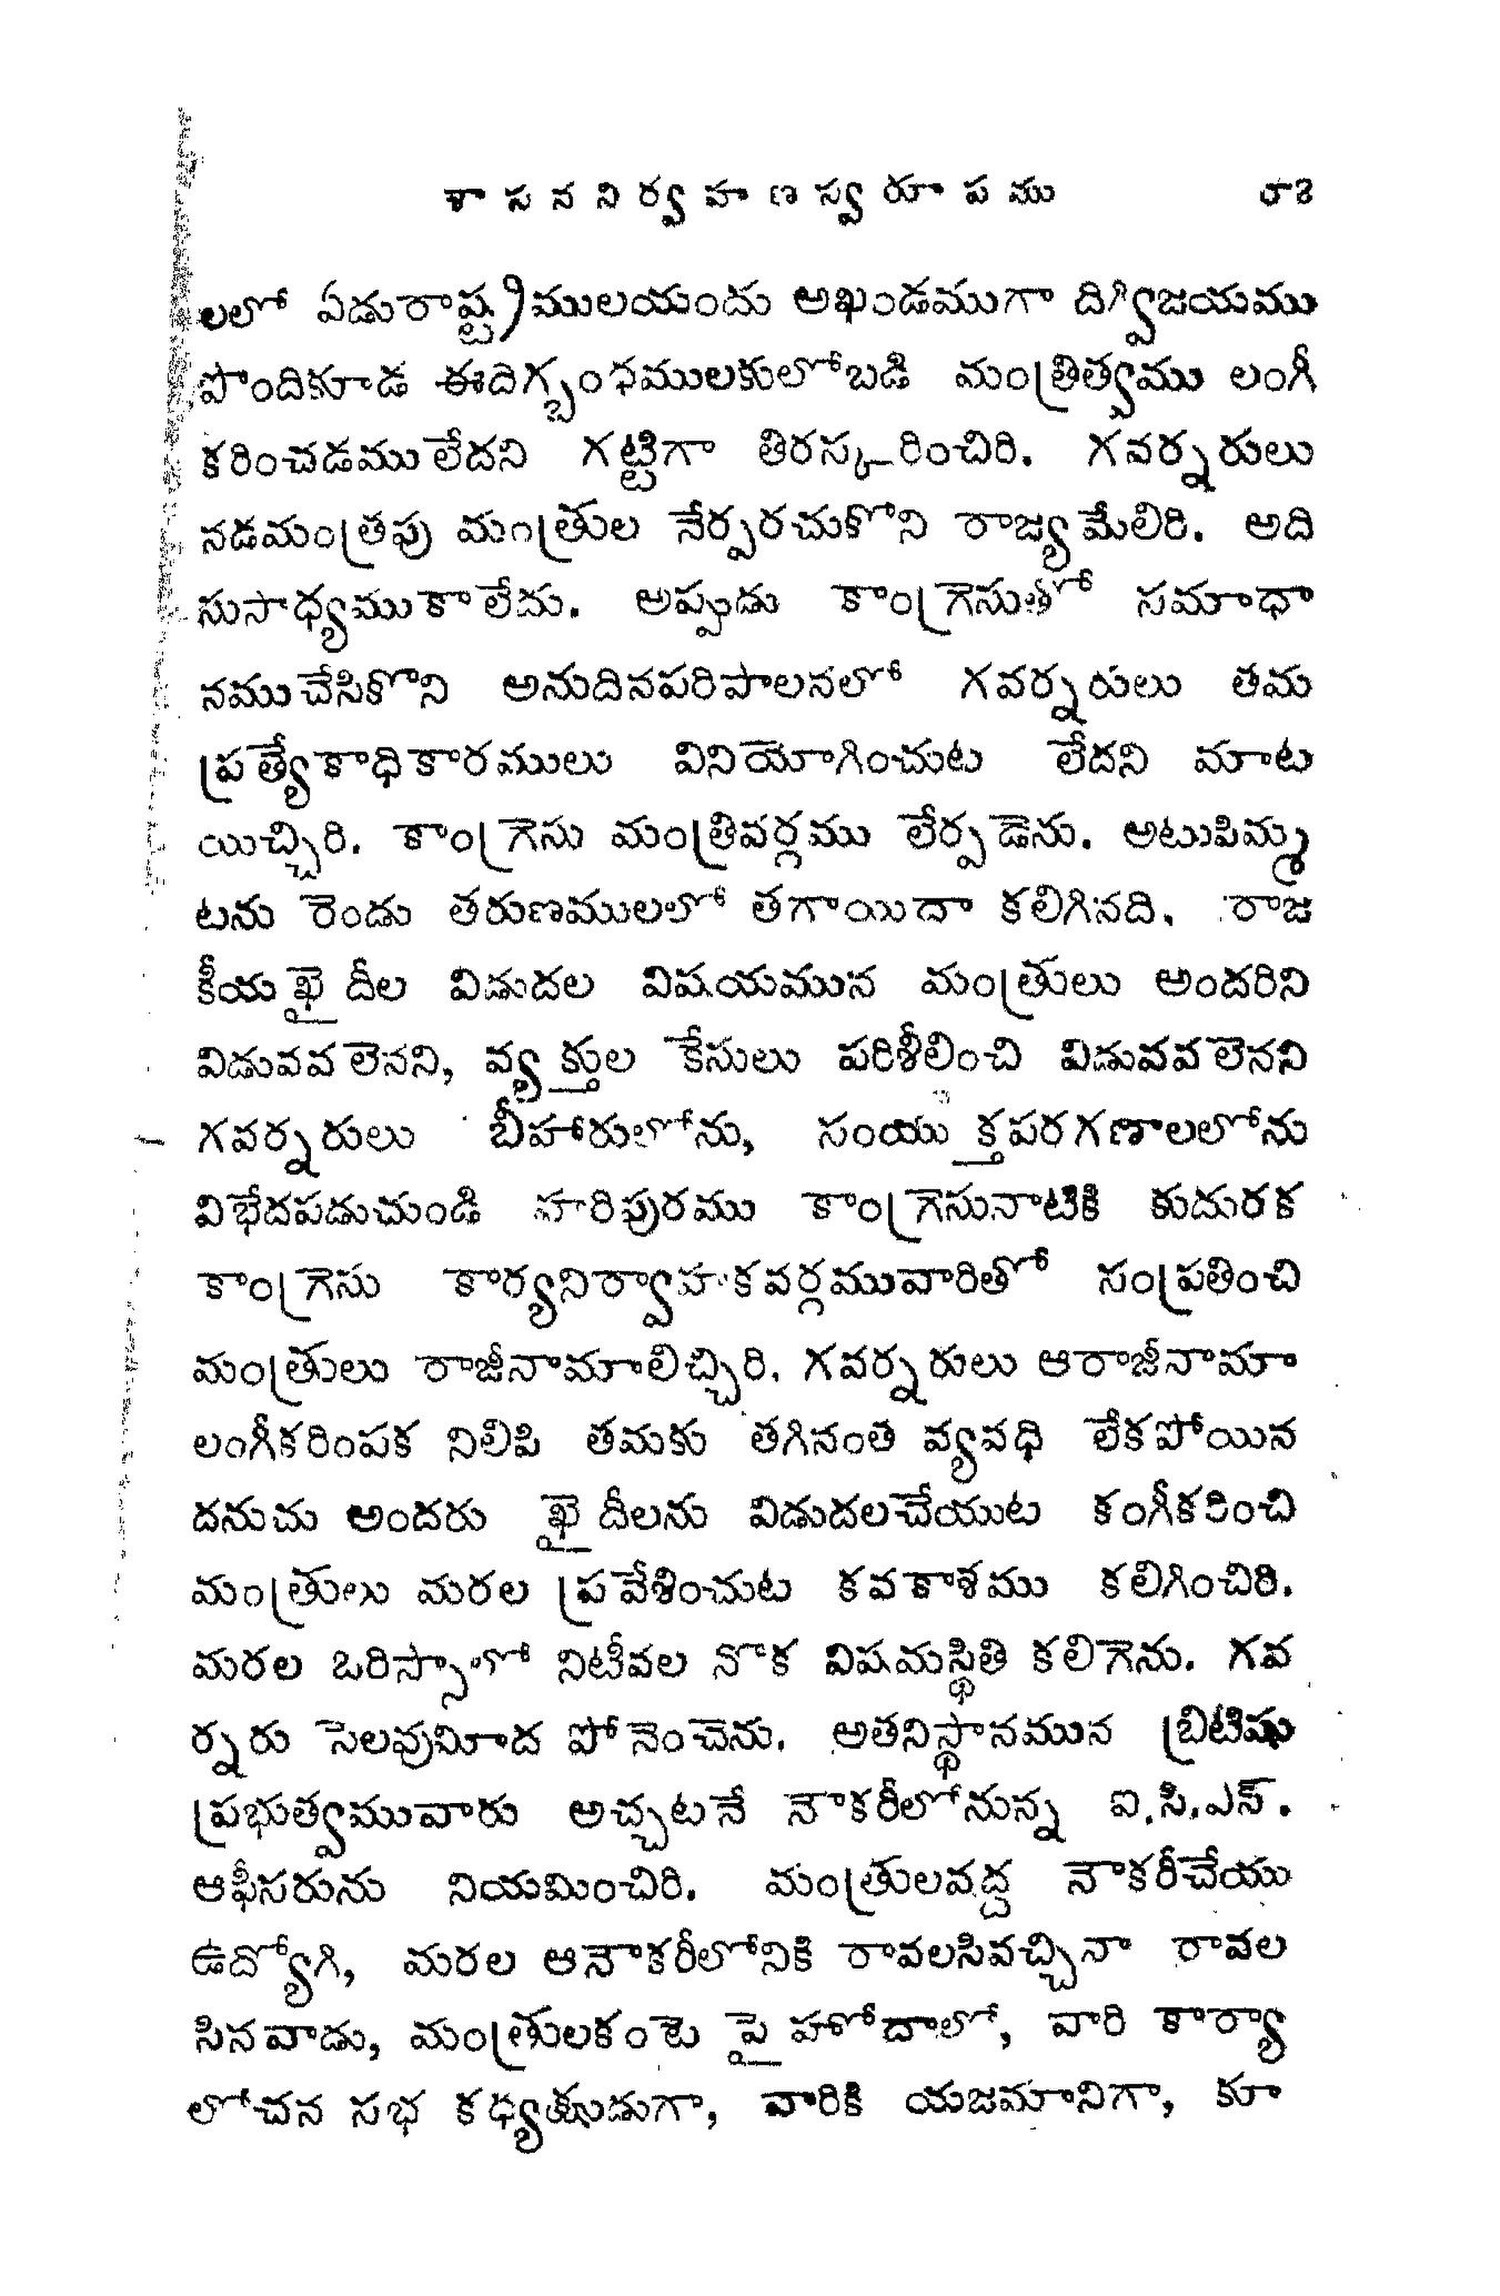లలో ఏడురాష్ట్రములయందు అఖండముగా దిగ్విజయము పొందికూడ ఈదిగ్బంధములకులోబడి మంత్రిత్వము లంగీకరించడములేదని గట్టిగా తిరస్కరించిరి. గవర్నరులు నడమంత్రపు మంత్రుల నేర్పరచుకొని రాజ్యమేలిరి. అది సుసాధ్యముకా లేదు. అప్పుడు కాంగ్రెసు సమాధానముచేసికొని అనుదినపరిపాలనలో గవర్నరులు తమ ప్రత్యేకాధికారములు వినియోగించుట లేదని మాట యిచ్చిరి. కాంగ్రెసు మంత్రివర్గము లేర్పడెను. అటుపిమ్మటను రెండు తరుణములలో తగాయిదా కలిగినది. రాజకీయఖైదీల విడుదల విషయమున మంత్రులు అందరిని విడువవలెనని, వ్యక్తుల కేసులు పరిశీలించి విడువవలెనని గవర్నరులు 'బీహారులోను, సంయుక్తపరగణాలలోను విభేదపడుచుండి హరిపురము కాంగ్రెసునాటికి కుదురక కాంగ్రెసు కార్యనిర్వాహకవర్గమువారితో సంప్రతించి మంత్రులు రాజీనామాలిచ్చిరి. గవర్నరులు ఆరాజీనామా లంగీకరింపక నిలిపి తమకు తగినంత వ్యవధి
లేకపోయిన దనుచు అందరు ఖైదీలను విడుదలచేయుట కంగీకరించి మంత్రులు మరల ప్రవేశించుట కవకాశము కలిగించిరి. మరల ఒరిస్సాలో నిటీవల నొక విషమస్థితి కలిగెను. గవర్నరు సెలవుమీద పోనెంచెను. అతనిస్థానమున బ్రిటిషు ప్రభుత్వమువారు అచ్చటనే నౌకరీలోనున్న ఐ.సి.ఎస్ . ఆఫీసరును నియమించిరి. మంత్రులవద్ద నౌకరీచేయు ఉద్యోగి, మరల ఆనౌకరీలోనికి రావలసివచ్చినా రావలసినవాడు, మంత్రులకంటె పై హోదాలో, వారి కార్యాలోచన సభ కధ్యక్షుడుగా, వారికి యజమానిగా, కూ